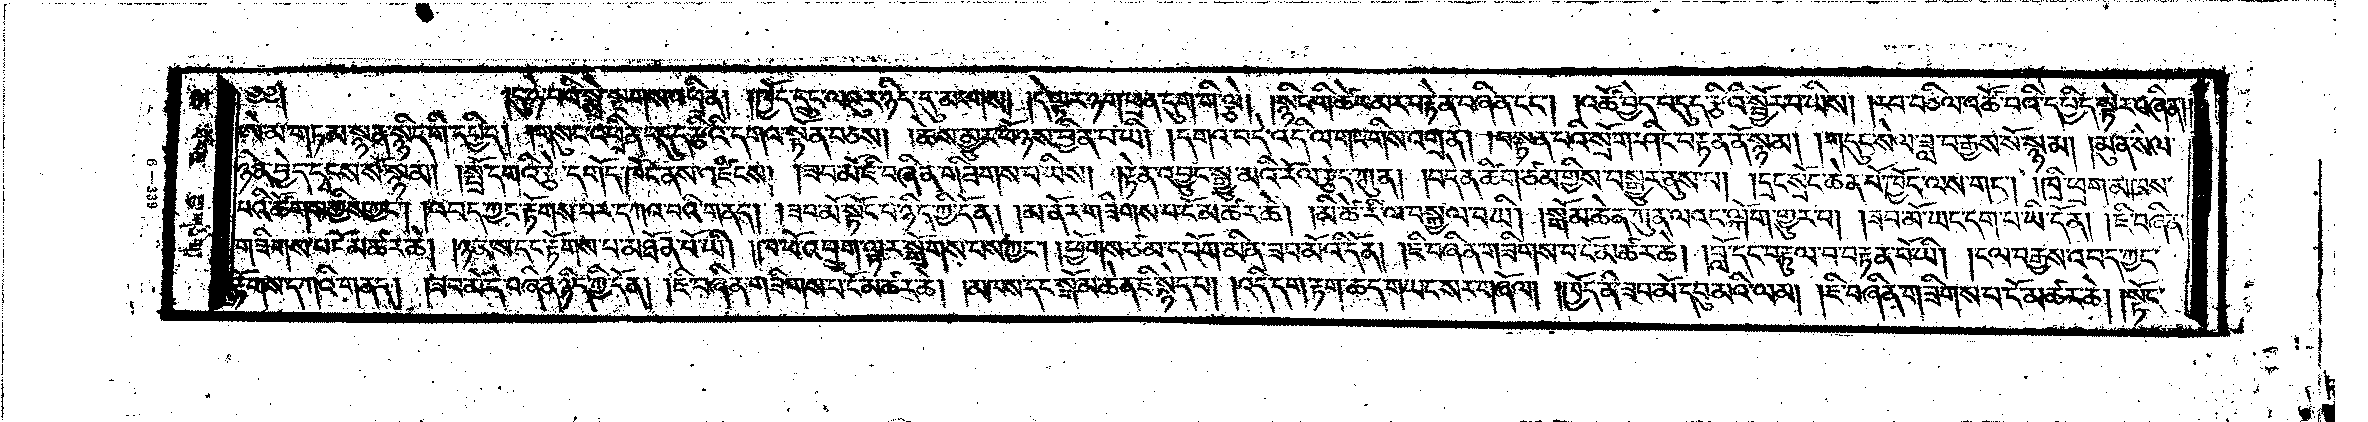༄༅། །དུ་ཉེ་བའི་སྨྲེ་སྔགས་འཕྲིན། །ཁྱོད་དྲུང་ལའུར་ཉིད་དུ་མངགས། །དེ་ལྟར་ཉག་ཕྲན་དུག་གི་ལྕེ། །སྙིང་གི་ཚེ་དམར་བརྟེན་བཞིན་དང་། །འཚོ་བྱེད་བདུད་རྩིའི་སྦྱོར་བ་ཡིས། །རབ་བཅིལ་འཚོ་བའི་དཔྱིད་སྟེར་བཞིན། །
ཨེ་མ་གཏམ་སྙན་སྙིད་གི་དཔྱིད། །གསུང་འཕྲིན་བདུད་རྩིའི་དགའ་སྟོན་བཅས། །ཆེས་མྱུར་ཕོ་ཉས་ཕྱིན་པ་ཡི། །དགའ་བདེ་འདི་ལ་གང་གིས་འགྲན། །བསྟན་པའི་སྲོག་ཤིང་བརྟན་ནོ་སྙམ། །གདུང་སེལ་ཟླ་བ་རྒྱས་སོ་སྙམ། །མུན་སེལ་
ཉིན་བྱེད་དྭངས་སོ་སྙམ། །སྤྲོ་དགའི་རྩེ་དགོད་ཁོང་ནས་འཛིངས། །ཟབ་མོ་ཇི་བཞིན་གཟིགས་པ་ཡིས། །རྟེན་འབྱུང་སྒྱུ་མའི་རོལ་རྩེད་ཀུན། །བདེན་ཚིག་ཙམ་གྱིས་བསྒྱུར་ནུས་པ། །དྲང་སྲོང་ཆེན་པོ་ཁྱོད་ལས་གང་། །ཁྲི་ཕྲག་མཁས་
པའི་ཚོགས་གྱིས་ཀྱང་། །འབད་ཀྱང་རྟོགས་པར་དཀའ་བའི་གནད། །ཟབ་མོ་སྟོང་པ་ཉིད་ཀྱི་དོན། །མ་ནོར་གཟིགས་པ་ངོ་མཚར་ཆེ། །མི་ཚེ་རི་ལ་བསྐྱལ་བ་ཡི། །སྒོམ་ཆེན་ཀུན་ལའང་ལྐོག་གྱུར་བ། །ཟབ་མོ་ཡང་དག་པ་ཡི་དོན། །ཇི་བཞིན་
གཟིགས་པ་ངོ་མཚར་ཆེ། །ཉམས་དང་རྟོགས་པ་མཐོན་པོ་ཡི། །ཁ་ཕོ་འབྲུག་ལྟར་སྒྲོགས་པས་ཀྱང་། །ཕྱོགས་ཙམ་དཔོག་མིན་ཟབ་མོའི་དོན། །ཇི་བཞིན་གཟིགས་པ་ངོ་མཚར་ཆེ། །བློ་དང་བརྟུལ་པ་བརྟན་བོ་ཡི། །ངལ་བརྒྱས་འབད་ཀྱང་
རྟོགས་དཀའི་གནད། །ཟབ་མོ་དེ་བཞིན་ཉིད་ཀྱི་དོན། །ཇི་བཞིན་གཟིགས་པ་ངོ་མཚར་ཆེ། །མཁས་དང་སྒོམ་ཆེན་ཇི་སྙེད་པ། །འདི་དག་རྟག་ཆད་བྱང་སར་གཞོལ། །ཁྱོད་ནི་ཟབ་མོ་དཔུ་མའི་ལམ། །ཇི་བཞིན་གཟིགས་པ་ངོ་མཚར་ཆེ། །སྟོད་